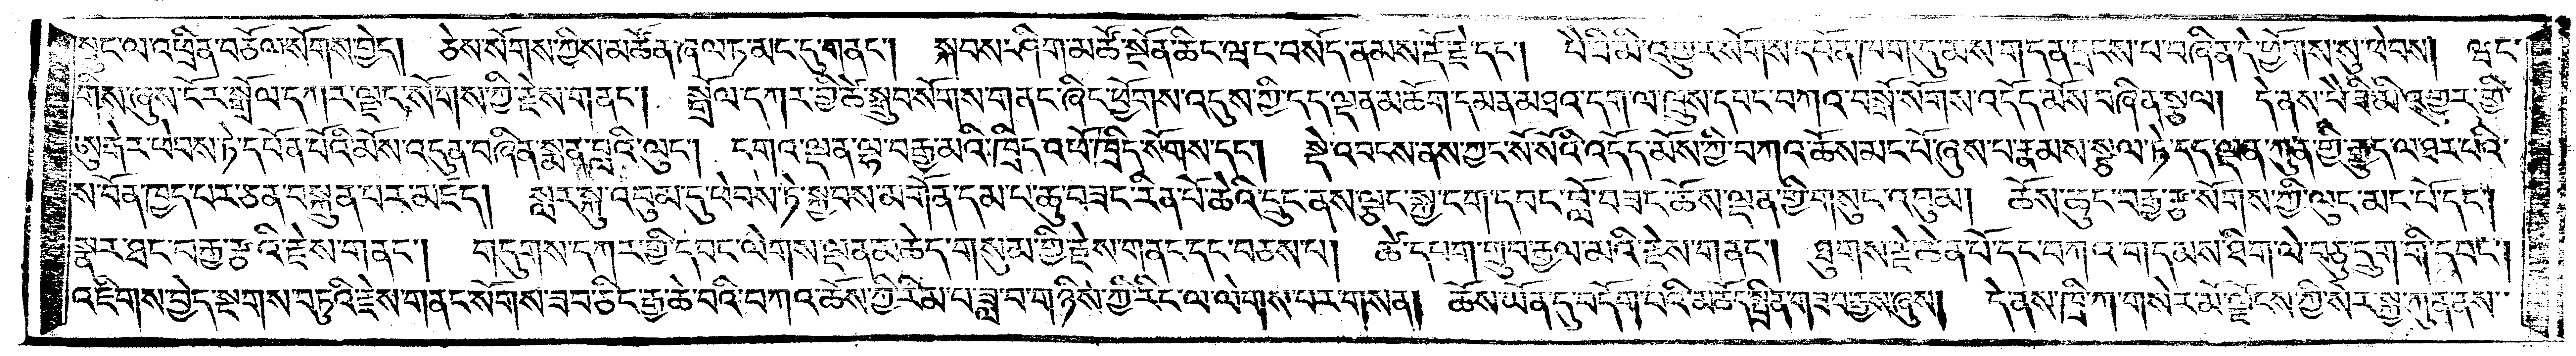སྲུང་ལ་འཕྲིན་བཅོལ་སོགས་ཕྱེད། ཅེས་སོགས་ཀྱིས་མཚོན་ཞལ་ཏ་མང་དུ་གནང་། སྐབས་ཤིག་མཚོ་སྔོན་ཆིང་ཝང་བསོད་ནམས་རྡོ་རྗེ་དང་། བཻ་ཟི་མི་འགྱུར་སོགས་དཔོན་ཁག་དུ་མས་གདན་དྲངས་པ་བཞིན་དེ་ཕྱོགས་སུ་ཕེབས། ཝང་
གིས་ཞུས་ངོར་སྒྲོལ་དཀར་ལྗང་སོགས་ཀྱི་རྗེས་གནང་། སྒྲོལ་དཀར་གྱི་ཚེ་སྒྲུབ་སོགས་གནང་ཞིང་ཕྱོགས་འདུས་ཀྱི་དད་ལྡན་མཆོག་དམན་མཐའ་དག་ལ་ཁྲུས་དབང་བཀའ་བསྒོ་སོགས་འདོད་མོས་བཞིན་སྩལ། དེ་ནས་བཻ་ཟི་མི་འགྱུར་གྱི་
ཨུ་རྒེར་ཕེབས་ཏེ་དཔོན་པོའི་མོས་འདུན་བཞིན་སྨན་བླའི་ལུང་། དགའ་ལྡན་ལྷ་བརྒྱ་མའི་ཁྲིད་འཕོ་ཁྲིད་སོགས་དང་། སྡེ་འབངས་ནས་ཀྱང་སོ་སོའི་འདོད་མོས་ཀྱི་བཀའ་ཆོས་མང་པོ་ཞུས་པ་རྣམས་སྩལ་ཏེ་དད་ལྡན་ཀུན་གྱི་རྒྱུད་ལ་ཐར་པའི་
ས་བོན་ཁྱད་པར་ཅན་བསྐྲུན་པར་མཛད། སླར་སྐུ་འབུམ་དུ་ཕེབས་ཏེ་སྐྱབས་མགོན་དམ་པ་ཆུ་བཟང་རིན་པོ་ཆེའི་དྲུང་ནས་ལྕང་སྐྱ་ངག་དབང་བློ་བཟང་ཆོས་ལྡན་གྱི་གསུང་འབུམ། ཆོས་ཆུང་བརྒྱ་རྩ་སོགས་ཀྱི་ལུང་མང་པོ་དང་།
སྣར་ཐང་བརྒྱ་རྩའི་རྗེས་གནང་། གདུགས་དཀར་གྱི་དབང་ལེགས་ལྡན་མཆེད་གསུམ་གྱི་རྗེས་གནང་དང་བཅས་པ། ཆེ་དཔག་གྲུབ་རྒྱལ་མའི་རྗེས་གནང་། ཐུགས་རྗེ་ཆེན་པོ་དང་བཀའ་གདམས་ཐིག་ལེ་བཅུ་དྲུག་གི་དབང་།
འཇིགས་བྱེད་སྔགས་བཏུའི་རྗེས་གནང་སོགས་ཟབ་ཅིང་རྒྱ་ཆེ་བའི་བཀའ་ཆོས་ཀྱི་རིམ་པ་ཟླ་བ་གཉིས་ཀྱི་རིང་ལ་ལེགས་པར་གསན། ཆོས་ཡོན་དུ་བདོག་པའི་མཆོད་སྤྲིན་གཟབ་རྒྱས་ཞུས། དེ་ནས་ཁྲི་ཀ་གསེར་མོ་ལྗོངས་ཀྱི་སེར་སྐྱ་ཀུན་ནས་